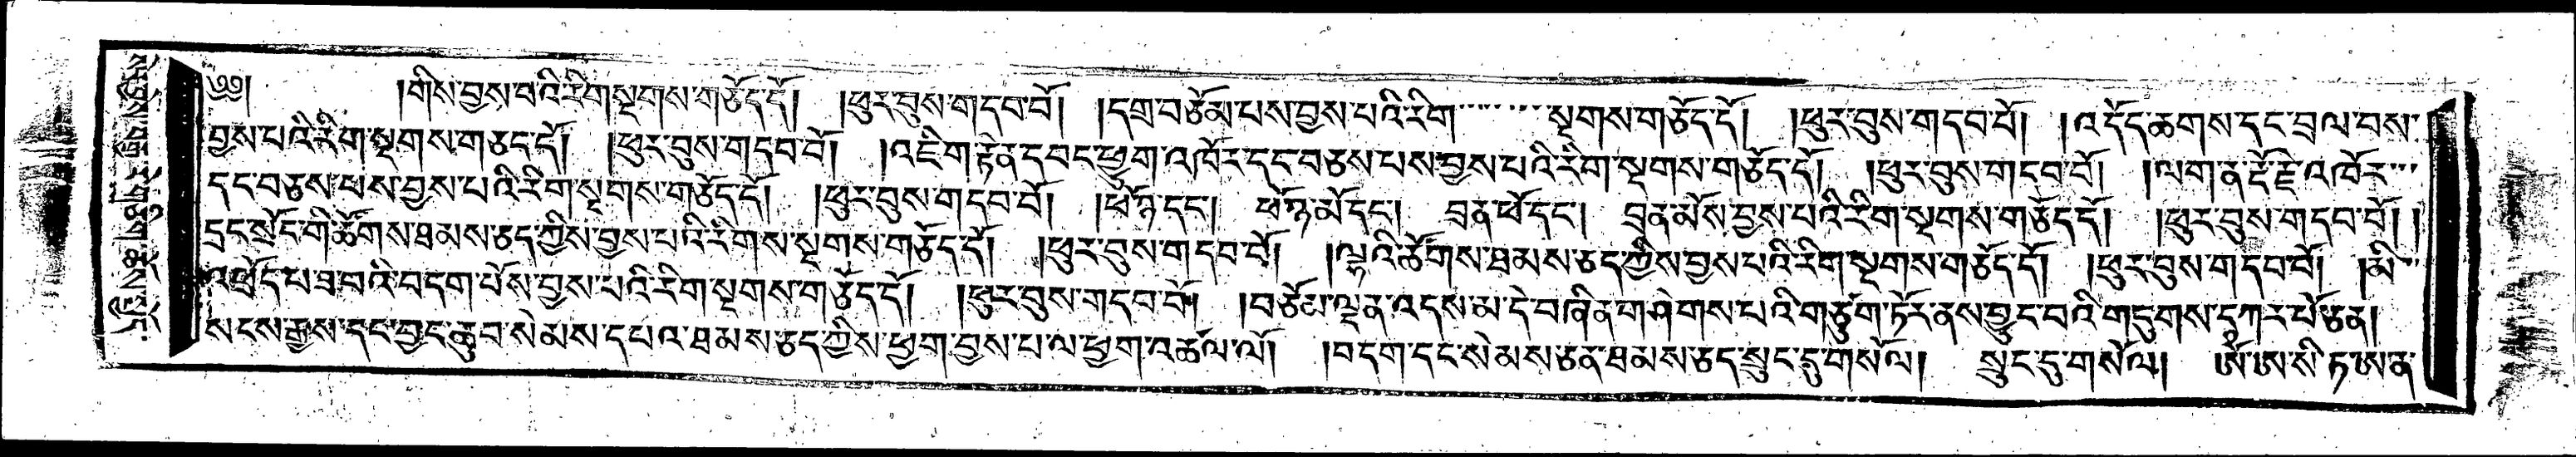༄༅། །གིས་བྱས་པའི་རིག་སྔགས་གཅོད་དོ། །ཕུར་བུས་གདབ་བོ། །དགྲ་བཅོམ་པས་བྱས་པའི་རིག་སྔགས་གཅོད་དོ། །ཕུར་བུས་གདབ་པོ། །འདོད་ཆགས་དང་བྲལ་བས་
བྱས་པའི་རིག་སྔགས་གཅད་དོ། །ཕུར་བུས་གདབ་བོ། །འཇིག་རྟེན་དབང་ཕྱུག་འཁོར་དང་བཅས་པས་བྱས་པའི་རིག་སྔགས་གཅོད་དོ། །ཕུར་བུས་གདབ་བོ། །ལག་ན་རྡོ་རྗེ་འཁོར་
དང་བཅས་པས་བྱས་པའི་རིག་སྔགས་གཅོད་དོ། །ཕུར་བུས་གདབ་བོ། །ཕོ་ཉ་དང་། ཕོ་ཉ་མོ་དང་། བྲན་ཕོ་དང་། བྲན་མོས་བྱས་པའི་རིག་སྔགས་གཅོད་དོ། །ཕུར་བུས་གདབ་བོ། །
དྲང་སྲོང་གི་ཚོགས་ཐམས་ཅད་ཀྱིས་བྱས་པའི་རིགས་སྔགས་གཅོད་དོ། །ཕུར་བུས་གདབ་བོ། །ལྷའི་ཚོགས་ཐམས་ཅད་ཀྱིས་བྱས་པའི་རིགས་སྔགས་གཅོད་དོ། །ཕུར་བུས་གདབ་བོ། །མི་
འཕྲོད་པ་ཟ་བའི་བདག་པོས་བྱས་པའི་རིག་སྔགས་གཅོད་དོ། །ཕུར་བུས་གདབ་བོ། །བཅོམ་ལྡན་འདས་མ་དེ་བཞིན་གཤེགས་པའི་གཙུག་ཏོར་ནས་བྱུང་བའི་གདུགས་དཀར་པོ་ཅན།
སངས་རྒྱས་དང་བྱང་ཆུབ་སེམས་དཔའ་ཐམས་ཅད་ཀྱིས་ཕྱག་བྱས་པ་ལ་ཕྱག་འཚལ་ལོ། །བདག་དང་སེམས་ཅན་ཐམས་ཅད་སྲུང་དུ་གསོལ། སྲུང་དུ་གསོལ། ཨོཾ་ཨ་སི་ཏ་ཨ་ན་